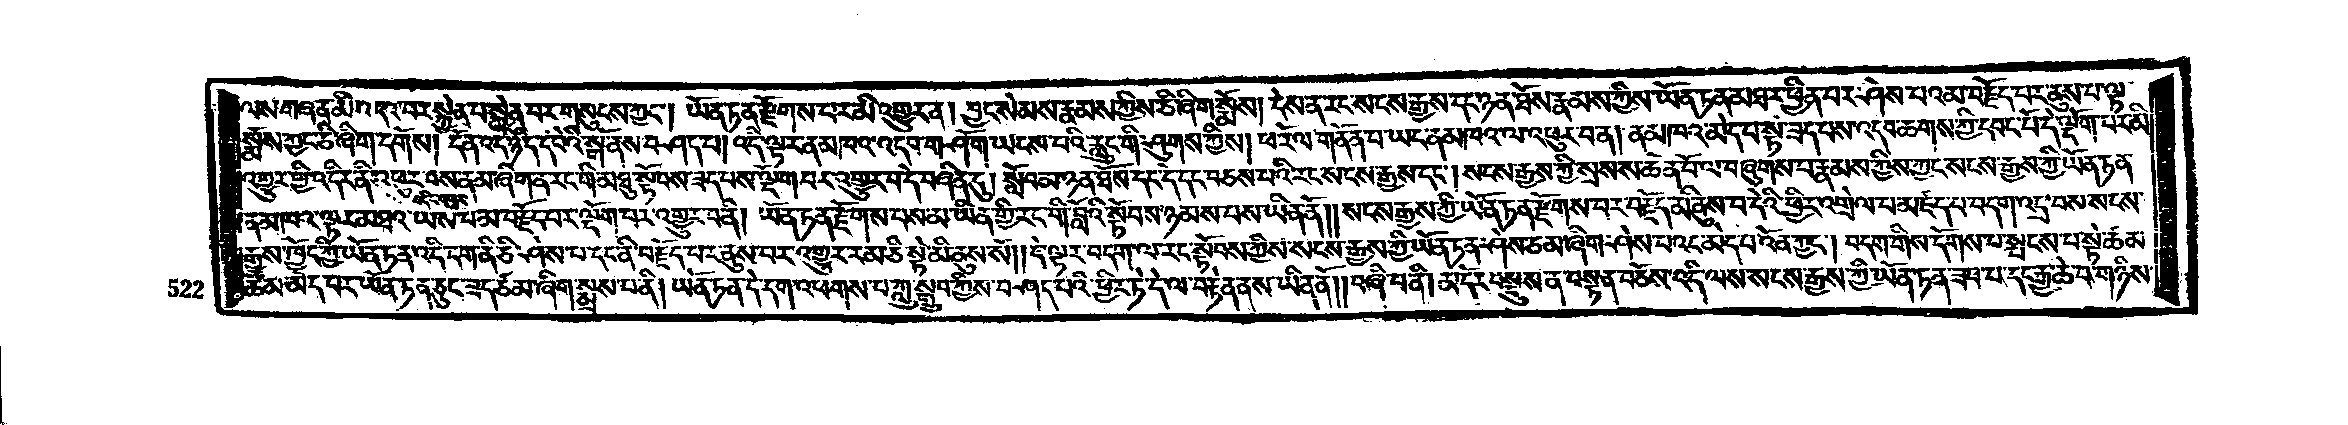ལས་གཞན་མི་འདའ་བར་སྐྱེན་པ་སྐྱེན་པར་གསུངས་ཀྱང་། ཡོན་ཏན་རྫོགས་པར་མི་འགྱུར་ན། བྱང་སེམས་རྣམས་ཀྱིས་ཅི་ཞིག་སྨོས། དེས་ན་རང་སངས་རྒྱས་དང་ཉན་ཐོས་རྣམས་ཀྱིས་ཡོན་ཏན་མཐར་ཕྱིན་པར་ཤེས་པའམ་བརྗོད་པར་ནུས་པ་ལྟ་
སྨོས་ཀྱང་ཅི་ཞིག་དགོས། དོན་འདི་ཉིད་དཔེའི་སྒོ་ནས་བཤད་པ། འདི་ལྟར་ན་མཁའ་འདབ་གཤེག་ཡངས་པའི་རླུང་གི་ཤུགས་ཀྱིས། ཕ་རོལ་གནོན་པ་ཡང་ནམ་མཁའ་ལ་འཕུར་བ་ན། ནམ་མཁའ་མེད་པ་སྟེ་ཟད་པས་འདབ་ཆགས་ཀྱི་དབང་པོ་དེ་ལྡོག་པར་མི་
འགྱུར་གྱི་འདིར་ནི་འདིར་འཕུར་འཕུར་བས་ནམ་ཞིག་ན་རང་གི་མཐུ་སྟོབས་ཟད་པས་ལྡོག་པར་འགྱུར་བ་དེ་བཞིན་དུ། སློབ་མ་ཉན་ཐོས་དང་དེ་དང་བཅས་པའི་རང་སངས་རྒྱས་དང་། སངས་རྒྱས་ཀྱི་སྲས་ས་ཆེན་པོ་ལ་བཞུགས་པ་རྣམས་ཀྱིས་ཀྱང་སངས་རྒྱས་ཀྱི་ཡོན་ཏན་
ནམ་མཁའ་ལྟར་མཐའ་ཡས་པ་མ་བརྗོད་པར་ལྡོག་པར་འགྱུར་བ་ནི། ཡོན་ཏན་རྫོགས་པས་མ་ཡིན་གྱི་རང་གི་བློའི་སྟོབས་ཉམས་པས་ཡིན་ནོ། །སངས་རྒྱས་ཀྱི་ཡོན་ཏན་རྫོགས་པར་བརྗོད་མི་ནུས་པ་དེའི་ཕྱིར་འགྲེལ་པ་མཛད་པ་བདག་འདྲ་བས་སངས་
རྒྱས་ཁྱོད་ཀྱི་ཡོན་ཏན་འདི་དག་ནི་ཅི་ཤེས་པ་དང་ནི་བརྗོད་པར་ནུས་པར་འགྱུར་རམ་ཅི་སྟེ་མི་ནུས་སོ། །དེ་ལྟར་བདག་ལ་རང་སྟོབས་ཀྱིས་སངས་རྒྱས་ཀྱི་ཡོན་ཏན་ཤེས་ཙམ་ཞིག་ཤེས་པའང་མེད་པ་འོན་ཀྱང་། བདག་གིས་དོགས་པ་སྤངས་པ་སྟེ་ཚམ་
ཚོམ་མེད་པར་ཡོན་ཏན་ཅུང་ཟད་ཙམ་ཞིག་སྨྲས་པ་ནི། ཡོན་ཏན་དེ་དག་འཕགས་པ་ཀླུ་སྒྲུབ་ཀྱིས་བཤད་པའི་ཕྱིར་ཏེ་དེ་ལ་བརྟེན་ནས་ཡིན་ནོ། །བཞི་པ་ནི། མདོར་བསྡུས་ན་བསྟན་བཅོས་འདི་ལས་སངས་རྒྱས་ཀྱི་ཡོན་ཏན་ཟབ་པ་དང་རྒྱ་ཆེ་བ་གཉིས་